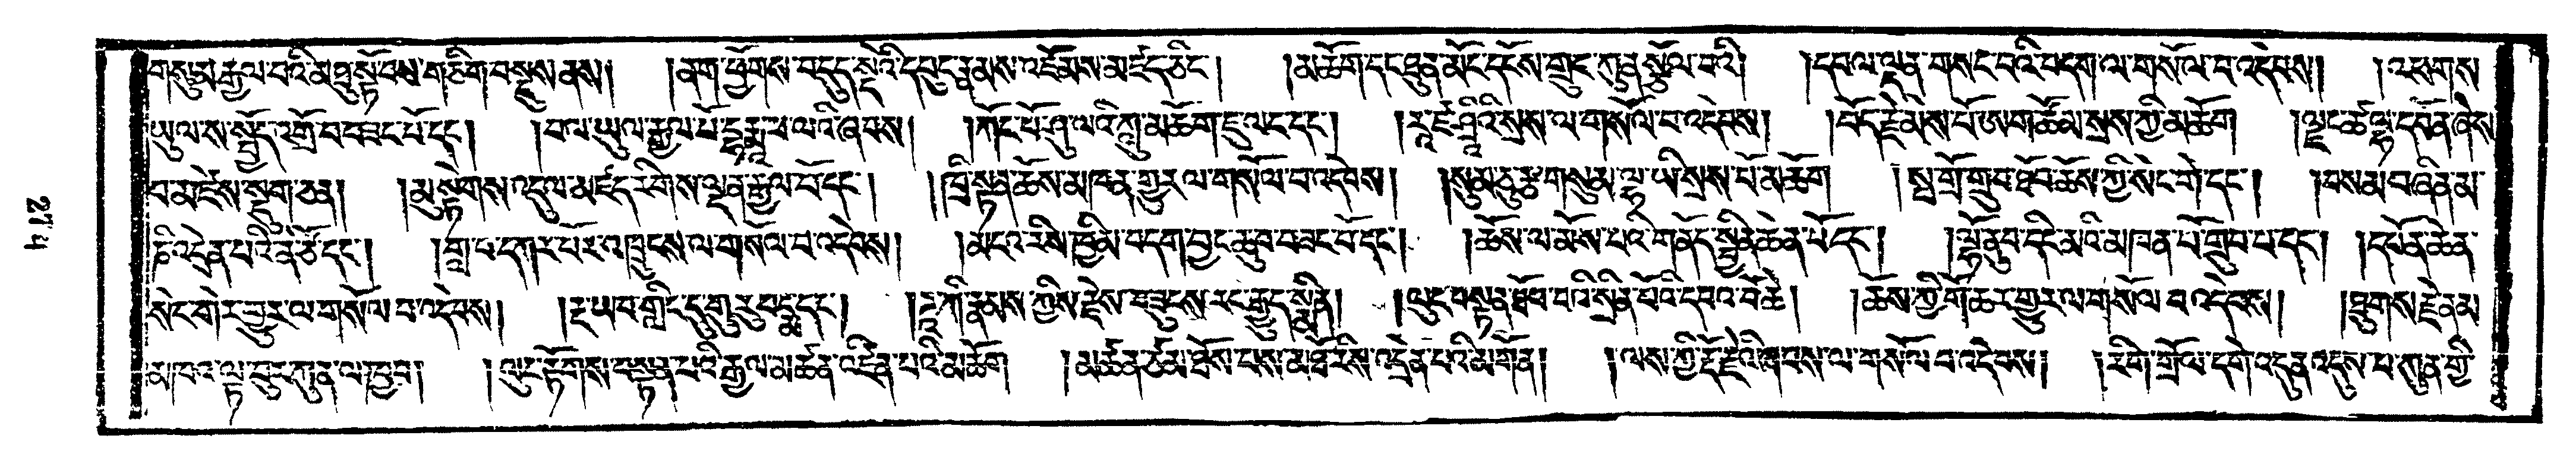གསུམ་རྒྱལ་བའི་མཐུ་སྟོབས་གཅིག་བསྡུས་ནས། །ནག་ཕྱོགས་བདུད་སྡེའི་དཔུང་རྣམས་འཇོམས་མཛད་ཅིང་། །མཆོག་དང་ཐུན་མོང་དངོས་གྲུབ་ཀུན་སྩོལ་བའི། །དཔལ་ལྡན་གསང་བའི་བདག་ལ་གསོལ་བ་འདེབས། །འཕགས་
ཡུལ་ས་སྤྱོད་འགྲོ་བ་བཟང་པོ་དང་། །བལ་ཡུལ་རྒྱལ་པོ་དྷརྨཱ་ཕ་ལའི་ཞབས། །ཀོང་པོ་ཤུ་ལའི་ཀླུ་མཆོག་ཇུ་ལང་དང་། །རཱ་ཛ་ཤྲཱིའི་སྲས་ལ་གསོལ་བ་འདེབས། །བོད་རྗེ་མེས་པོ་ཨག་ཚོམ་སྲས་ཀྱི་མཆོག །ལྗང་ཚ་ལྷ་དབོན་ཞེས་
བ་མཛེས་སྡུག་ཅན། །མུ་སྟེགས་འདུལ་མཛད་རིགས་ལྡན་རྒྱལ་པོ་དང་། །ཁྲི་སྟན་ཆོས་མཁན་གྱུར་ལ་གསོལ་བ་འདེབས། །སུམ་ཅུ་རྩ་གསུམ་ལྷ་ཡི་སྲས་པོ་མཆོག །སྤ་གྲོ་གྲུབ་ཐོབ་ཆོས་ཀྱི་སེང་གེ་དང་། །བསམ་བཞིན་མ་
ཎི་འདྲེན་པའི་ནེ་ཙོ་དང་། །གླ་བ་དཀར་པོར་འཁྲུངས་ལ་གསོལ་བ་འདེབས། །མངའ་རིས་ཁྱིམ་བདག་བྱང་ཆུབ་བཟང་པོ་དང་། །ཆོས་ལ་མོས་པའི་གནོད་སྦྱིན་ཆེན་པོ་དང་། །ལྷོ་ནུབ་དིང་མའི་མཁན་པོ་གྲུབ་པ་དང་། །དཔོན་ཆེན་
སེང་གེར་གྱུར་ལ་གསོལ་བ་འདེབས། །རྔ་ཡབ་གླིང་དུ་གུ་རུ་པདམ་དང་། །ཌཱ་ཀི་རྣམས་ཀྱིས་རྗེས་བཟུངས་རང་རྒྱུད་སྨིན། །ལུང་བསྟན་ཐོབ་བའི་སྲིན་པོའི་དཔའ་བོ་ཆེ། །ཆོས་ཀྱི་གོ་ཆར་གྱུར་ལ་གསོལ་བ་འདེབས། །ཐུགས་རྗེ་ནམ་
མཁའ་ལྟ་བུར་ཀུན་ལ་ཁྱབ། །ལུང་རྟོགས་བསྟན་པའི་རྒྱལ་མཚན་འཛིན་པའི་མཆོག །མཚན་ཙམ་ཐོས་པས་མཐོ་རིས་འདྲེན་པའི་མགོན། །ལས་ཀྱི་རྡོ་རྗེའི་ཞབས་ལ་གསོལ་བ་འདེབས། །རིག་གྲོལ་དགེ་འདུན་འདུས་པ་ཀུན་གྱི་